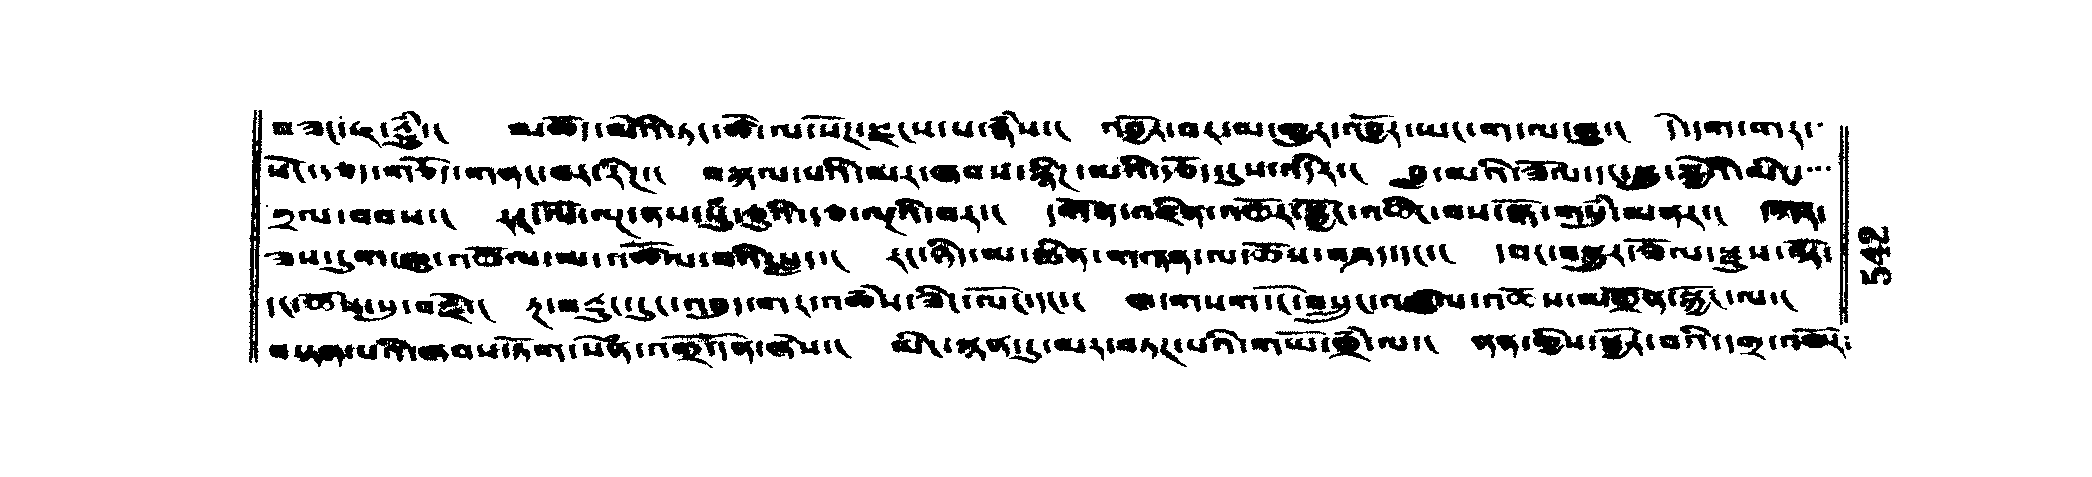བཟང་ཇ་རྡུམ། །མཆོད་མེའི་ཏང་ཚེ་ལ་སོགས་རྫངས་པ་རྣམས། །འབྱོར་བར་མ་གྱུར་འབྱོར་ཡང་ག་ལ་ཞུ། །དེ་དག་གར་
སོང་རྩད་གཅོད་གནང་བར་རིགས། །བསྐལ་པའི་མར་ཞབས་སྙིགས་མའི་རྩོད་དུས་འདིར། །བླ་མའི་ཟོལ་དང་སྐུ་སྐྱེའི་མིང་
ཁྲལ་བབས། །རང་ལོ་ལྔ་ནས་སུམ་ཅུའི་རྩ་ལྔའི་བར། །དགོན་འཛིན་འཁོར་སྐྱོང་འཆིང་བས་སྒོ་གསུམ་མནར། །དཀོར་
ཟས་དུག་ཆུ་འཁོལ་མ་འཚོལ་བའི་སླད། །རང་ཉིད་མ་སྨིན་གཞན་ལ་ཆོས་བཤད་དང་། །དབང་བསྐུར་ཟོལ་རྫུས་ལྟོ་
དང་ཆོས་སུ་བརྗེ། །རྔ་བརྡུང་དུང་འབུད་གར་འཆམས་ཞོག་ལོང་དང་། །ཁ་གསག་ངོ་བསྲུང་ཚུལ་འཆོས་མགྲོན་སྐྱོང་ལ། །
བསྟན་པའི་ཞབས་ཏོག་སེམས་ཅན་འགྲོ་དོན་ཞེས། །མིང་སྙན་དུ་མར་བཏགས་པའི་གཡོ་ཁྲམ་ལ། །ནན་གྱིས་སྦྱོར་བའི་གྲྭ་འཁོར་